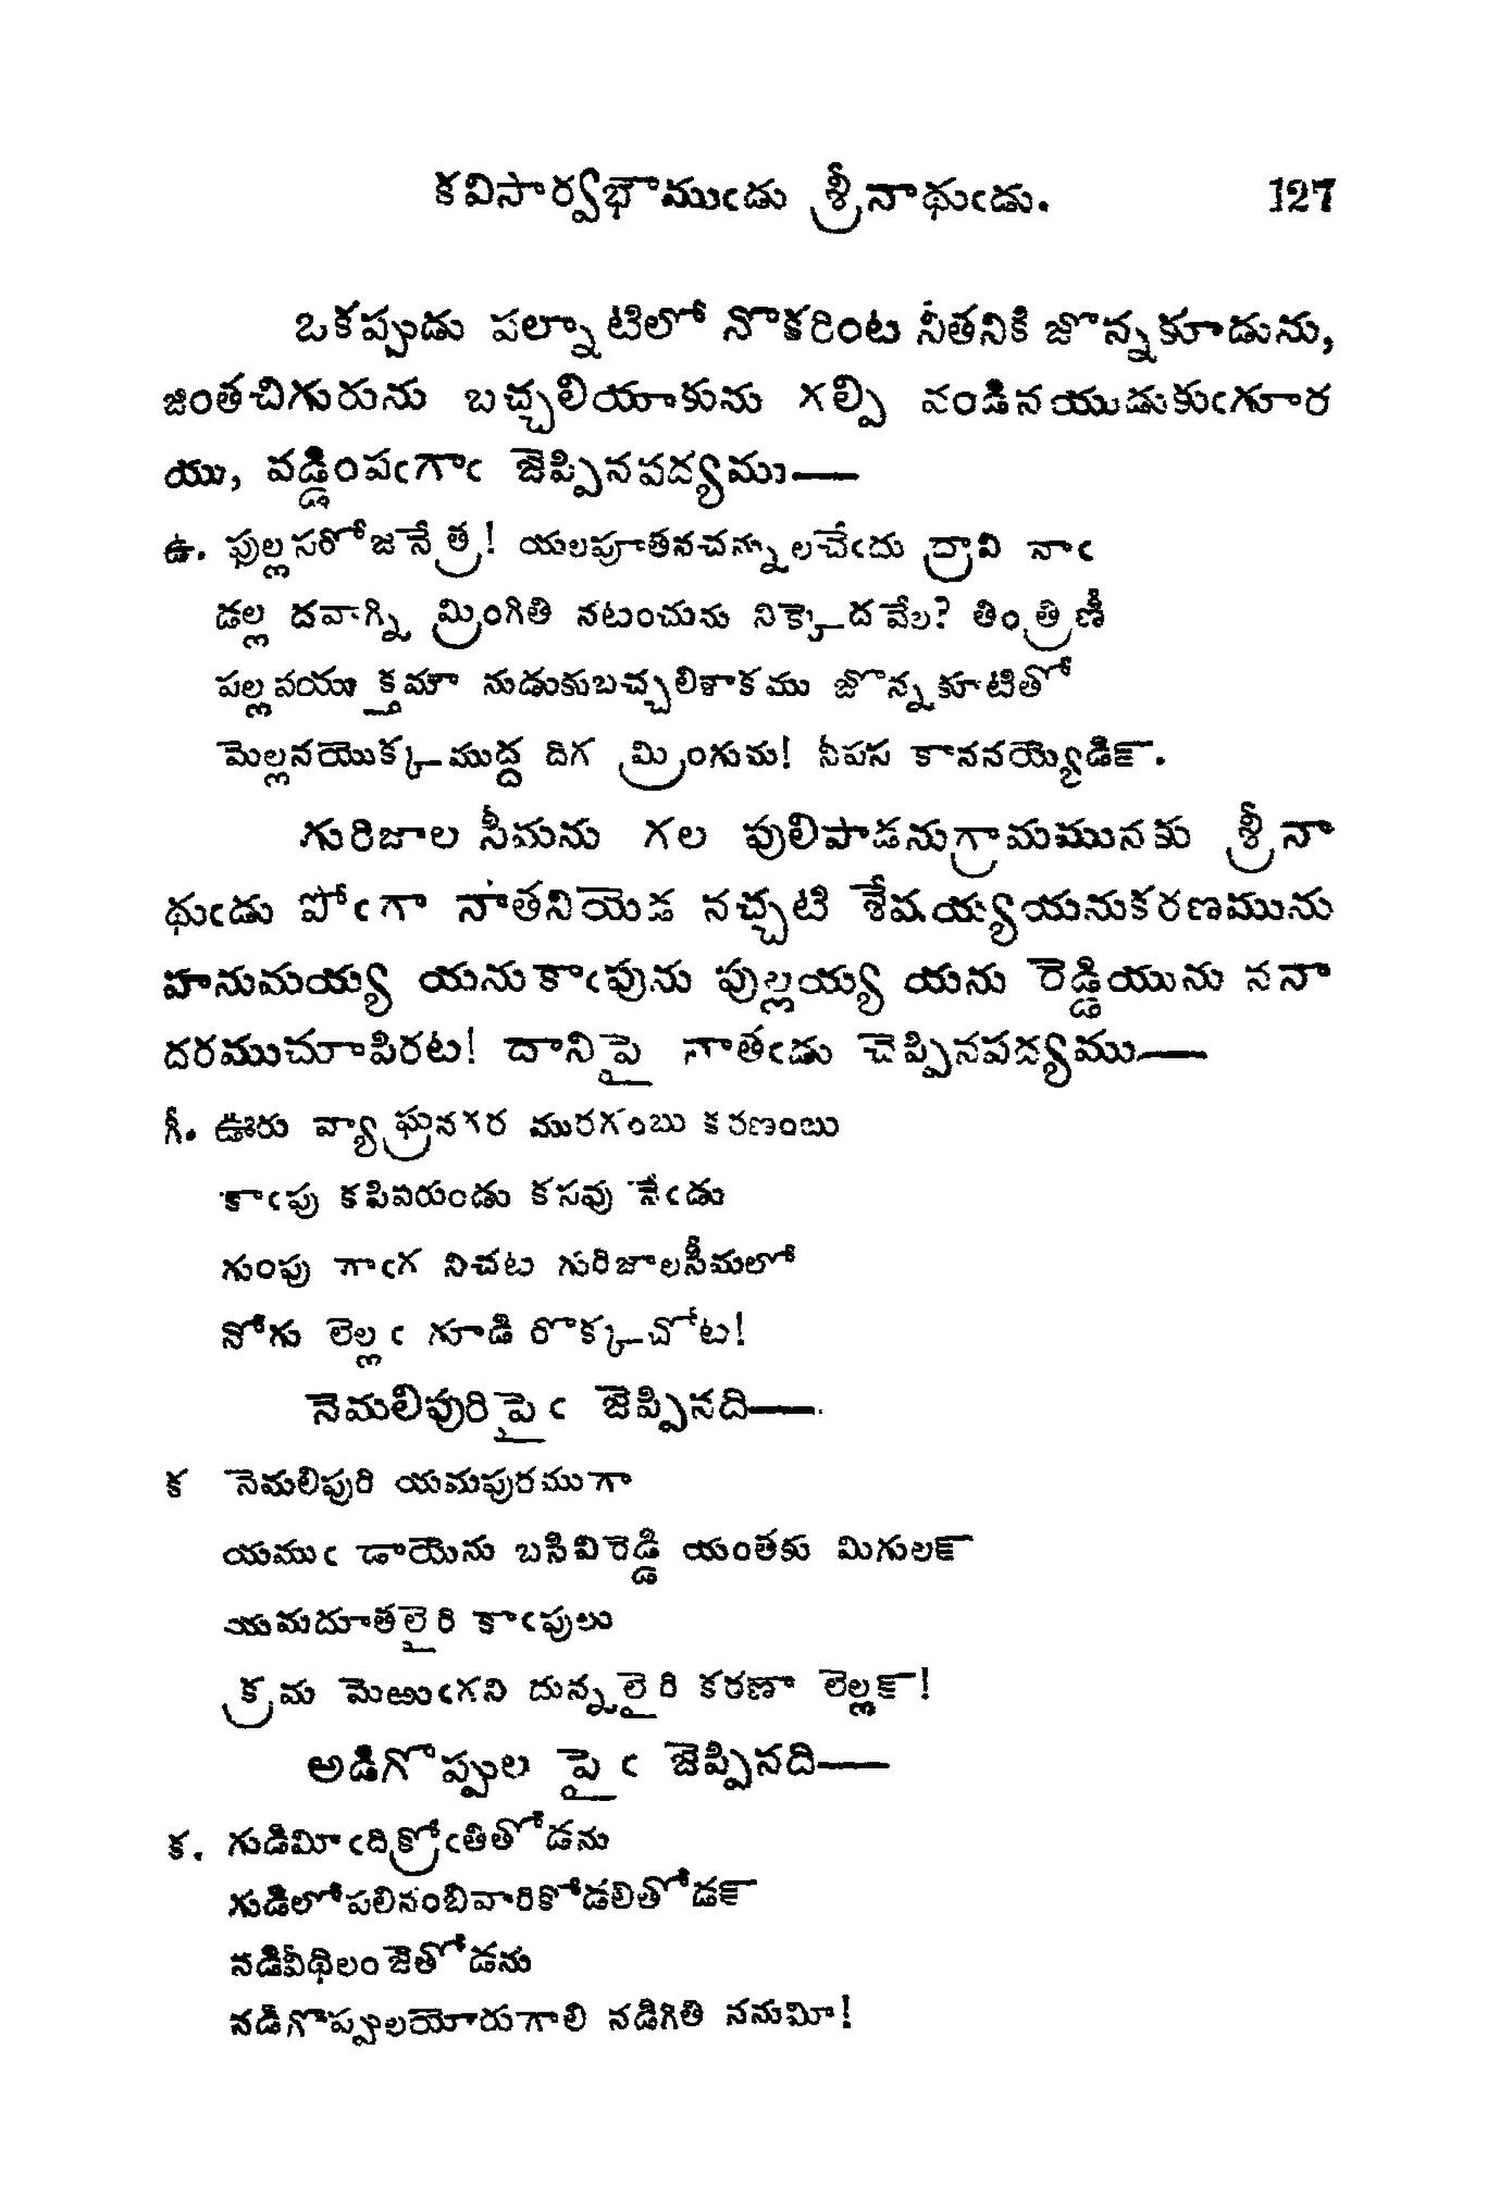ఒకప్పుడు పల్నాటిలో నొకరింట నీతనికి జొన్నకూడును, జింతచిగురును బచ్చలియాకును గల్పివండిన యుడుకుఁగూరయు వడ్డింపఁగాఁ జెప్పిన పద్యము—
ఉ. ఫుల్లసరోజనేత్ర! యలపూతనచన్నులచేఁదు ద్రావి నాఁ
 డల్ల దవాగ్ని మ్రింగితి నటంచును నిక్కెదవేల? తింత్రిణీ
 పల్లవయుక్తమౌ నుడుకుబచ్చలిశాకము జొన్నకూటితో
 మెల్లన యొక్కముద్ద దిగమ్రింగుము! నీపస కాననయ్యెడిన్.
గురిజాలసీమను గల పులిపాడనుగ్రామమునకు శ్రీనాథుఁడు పోఁగా నాతనియెడ నచ్చటి శేషయ్య యను కరణమును హనుమయ్య యనుకాఁపును పుల్లయ్య యనురెడ్డియును ననాదరము చూపిరఁట! దానిపై నాతఁడు చెప్పిన పద్యము—
ఆ. ఊరు వ్యాఘ్రనగర మురగంబు కరణంబు
 కాఁపు కపివరుండు కసవు నేఁడు
 గుంపు గాఁగ నిచట గురిజాలసీమలో
 నోగు లెల్లఁ గూడి రొక్కచోట!
నెమలిపురిపైఁ జెప్పినది—
క. నెమలిపురి యమపురముగా
 యముఁ డాయెను బసివిరెడ్డి యంతకు మిగులన్
 యమదూత లైరి కాఁపులు
 క్రమ మెఱుఁగని దున్న లైరి కరణా లెల్లన్!
అడిగొప్పులపైఁ జెప్పినది—
క. గుడిమీఁదిక్రోఁతితోడను
 గుడిలోపలినంబివారికోడలితోడన్
 నడివీథిలంజెతోడను
 నడిగొప్పులయోరుగాలి నడిగితి ననుమీ!